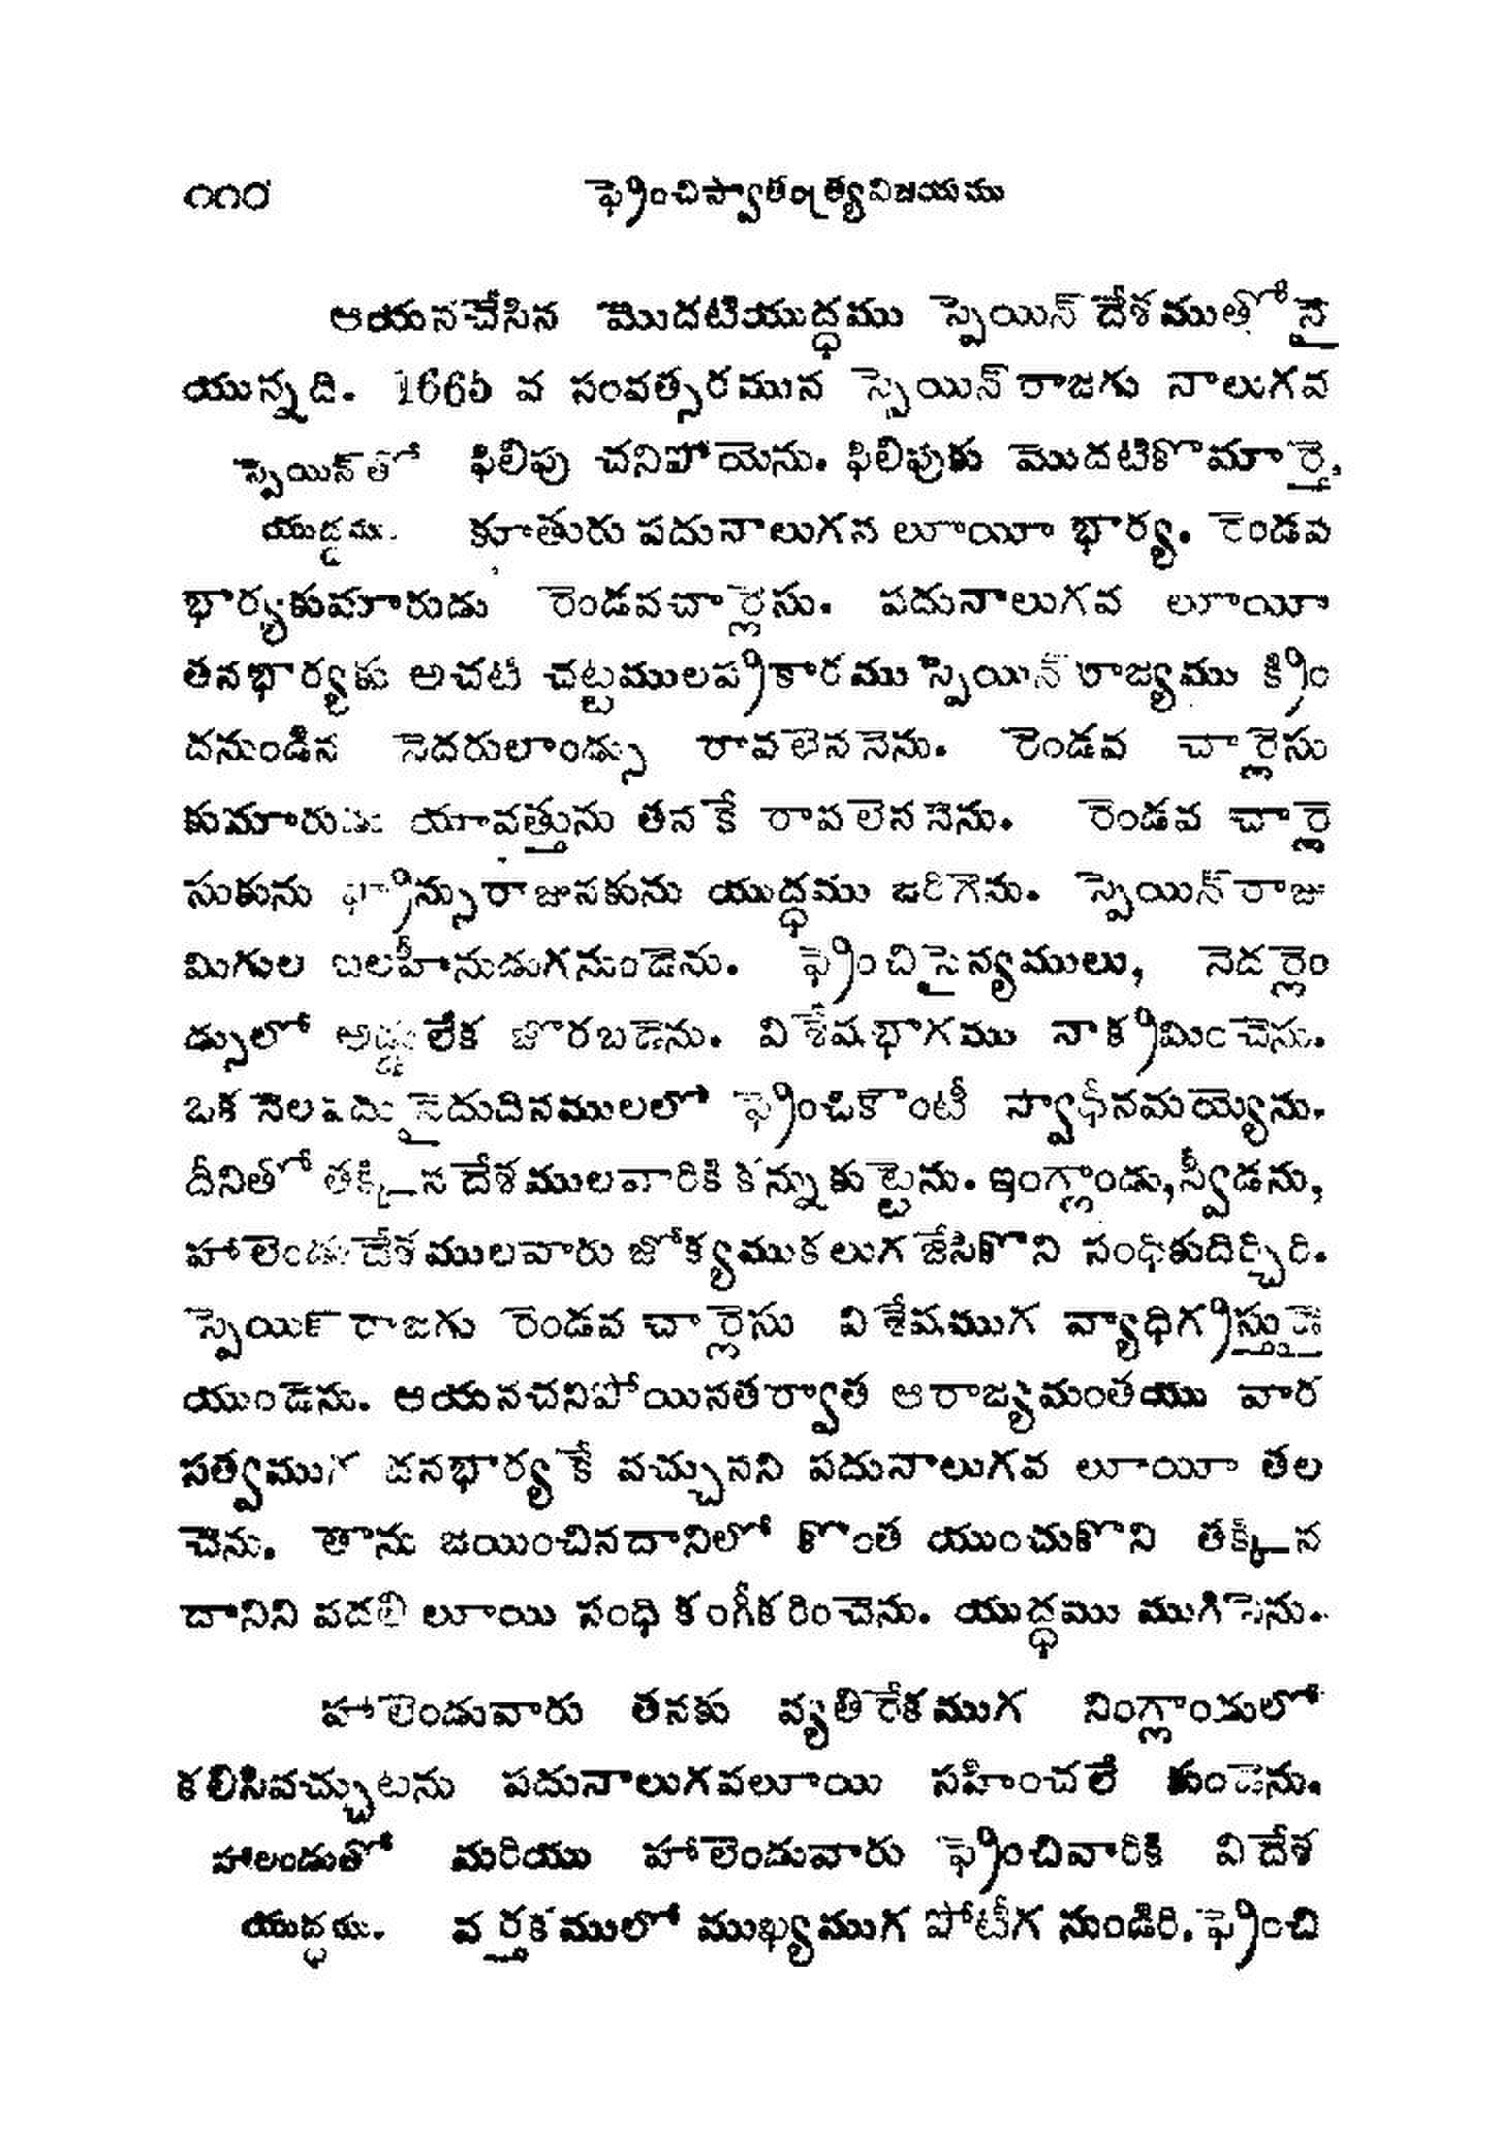స్పెయిన్ తో
యుద్ధము

ఆయన చేసిన మొదటి యుద్ధము స్పెయిన్ దేశముతోనై
యున్నది. 1665 వ సంవత్సరమున స్పెయిన్ రాజగు నాలుగవ
ఫిలిపు చనిపోయెను. ఫిలిపుకు మొదటి కొమార్తె,
కూతురు పదునాలుగవ లూయీ భార్య. రెండవ భార్య రెండవ
కుమారుడు 'రెండవచార్లెసు. పదునాలుగవ లూయీ
తన భార్యకు అచటి చట్టముల ప్రకారము స్పెయిన్ రాజ్యము క్రిం
దనుండిన సెదరులాండ్సు రావలెననెను. రెండవ చార్లెసు
కుమారు... యావత్తును తన కే రావ లెనె ననెను. రెండవ చార్లె
సుకును ఫ్రాన్సు రాజునకును యుద్ధము జరిగెను. స్పెయిన్ రాజు
మిగుల బలహీనుడుగ నుండెను. ఫ్రెంచి సైన్యములు, నెడర్లెం
డ్సులో అడ్డు లేక జొరబడెను. విశేష భాగము నాక్రమించెసు.
ఒక నెల పదునైదు దినములలో "ఫ్రెంచి కౌంటీ స్వాధీనమయ్యెను,
దీనితో తక్కిన దేశముల వారికి కన్ను కుట్టెను. ఇంగ్లాండు, స్వీడను,
హా లెrండు దేశముల వారు జోక్యము కలుగ జేసికొని సంధి కుదిర్చిరి.
స్పెయిన్ రాజగు 'రెండవ చార్లెసు విశేషముగ వ్యాధిగ్రస్తుడై
యుండెను. ఆయన చనిపోయిన తర్వాత ఆ రాజ్యమంతయు వార
సత్వముగ దనభార్య కే వచ్చునని పదునాలుగవ లూయీ తల
చెను. తాను జయించిన దానిలో కొంత యుంచుకొని తక్కిన
దానిని వదలి లూయి సంధి కంగీక రించెను.యుద్ధము ముగిసెను..

హాలండుతో
యుద్ధము.
హాలెండువారు తనకు వ్యతిరేకము ముగ నింగ్లాండులో
కలిసివచ్చుటను పదునాలుగవలూయి సహించలే కుండెను.
మరియు హాలెండువారు 'ఫ్రెంచివారికి విదేశ
వర్తకములో ముఖ్యముగ పోటీగ సుండిరి.